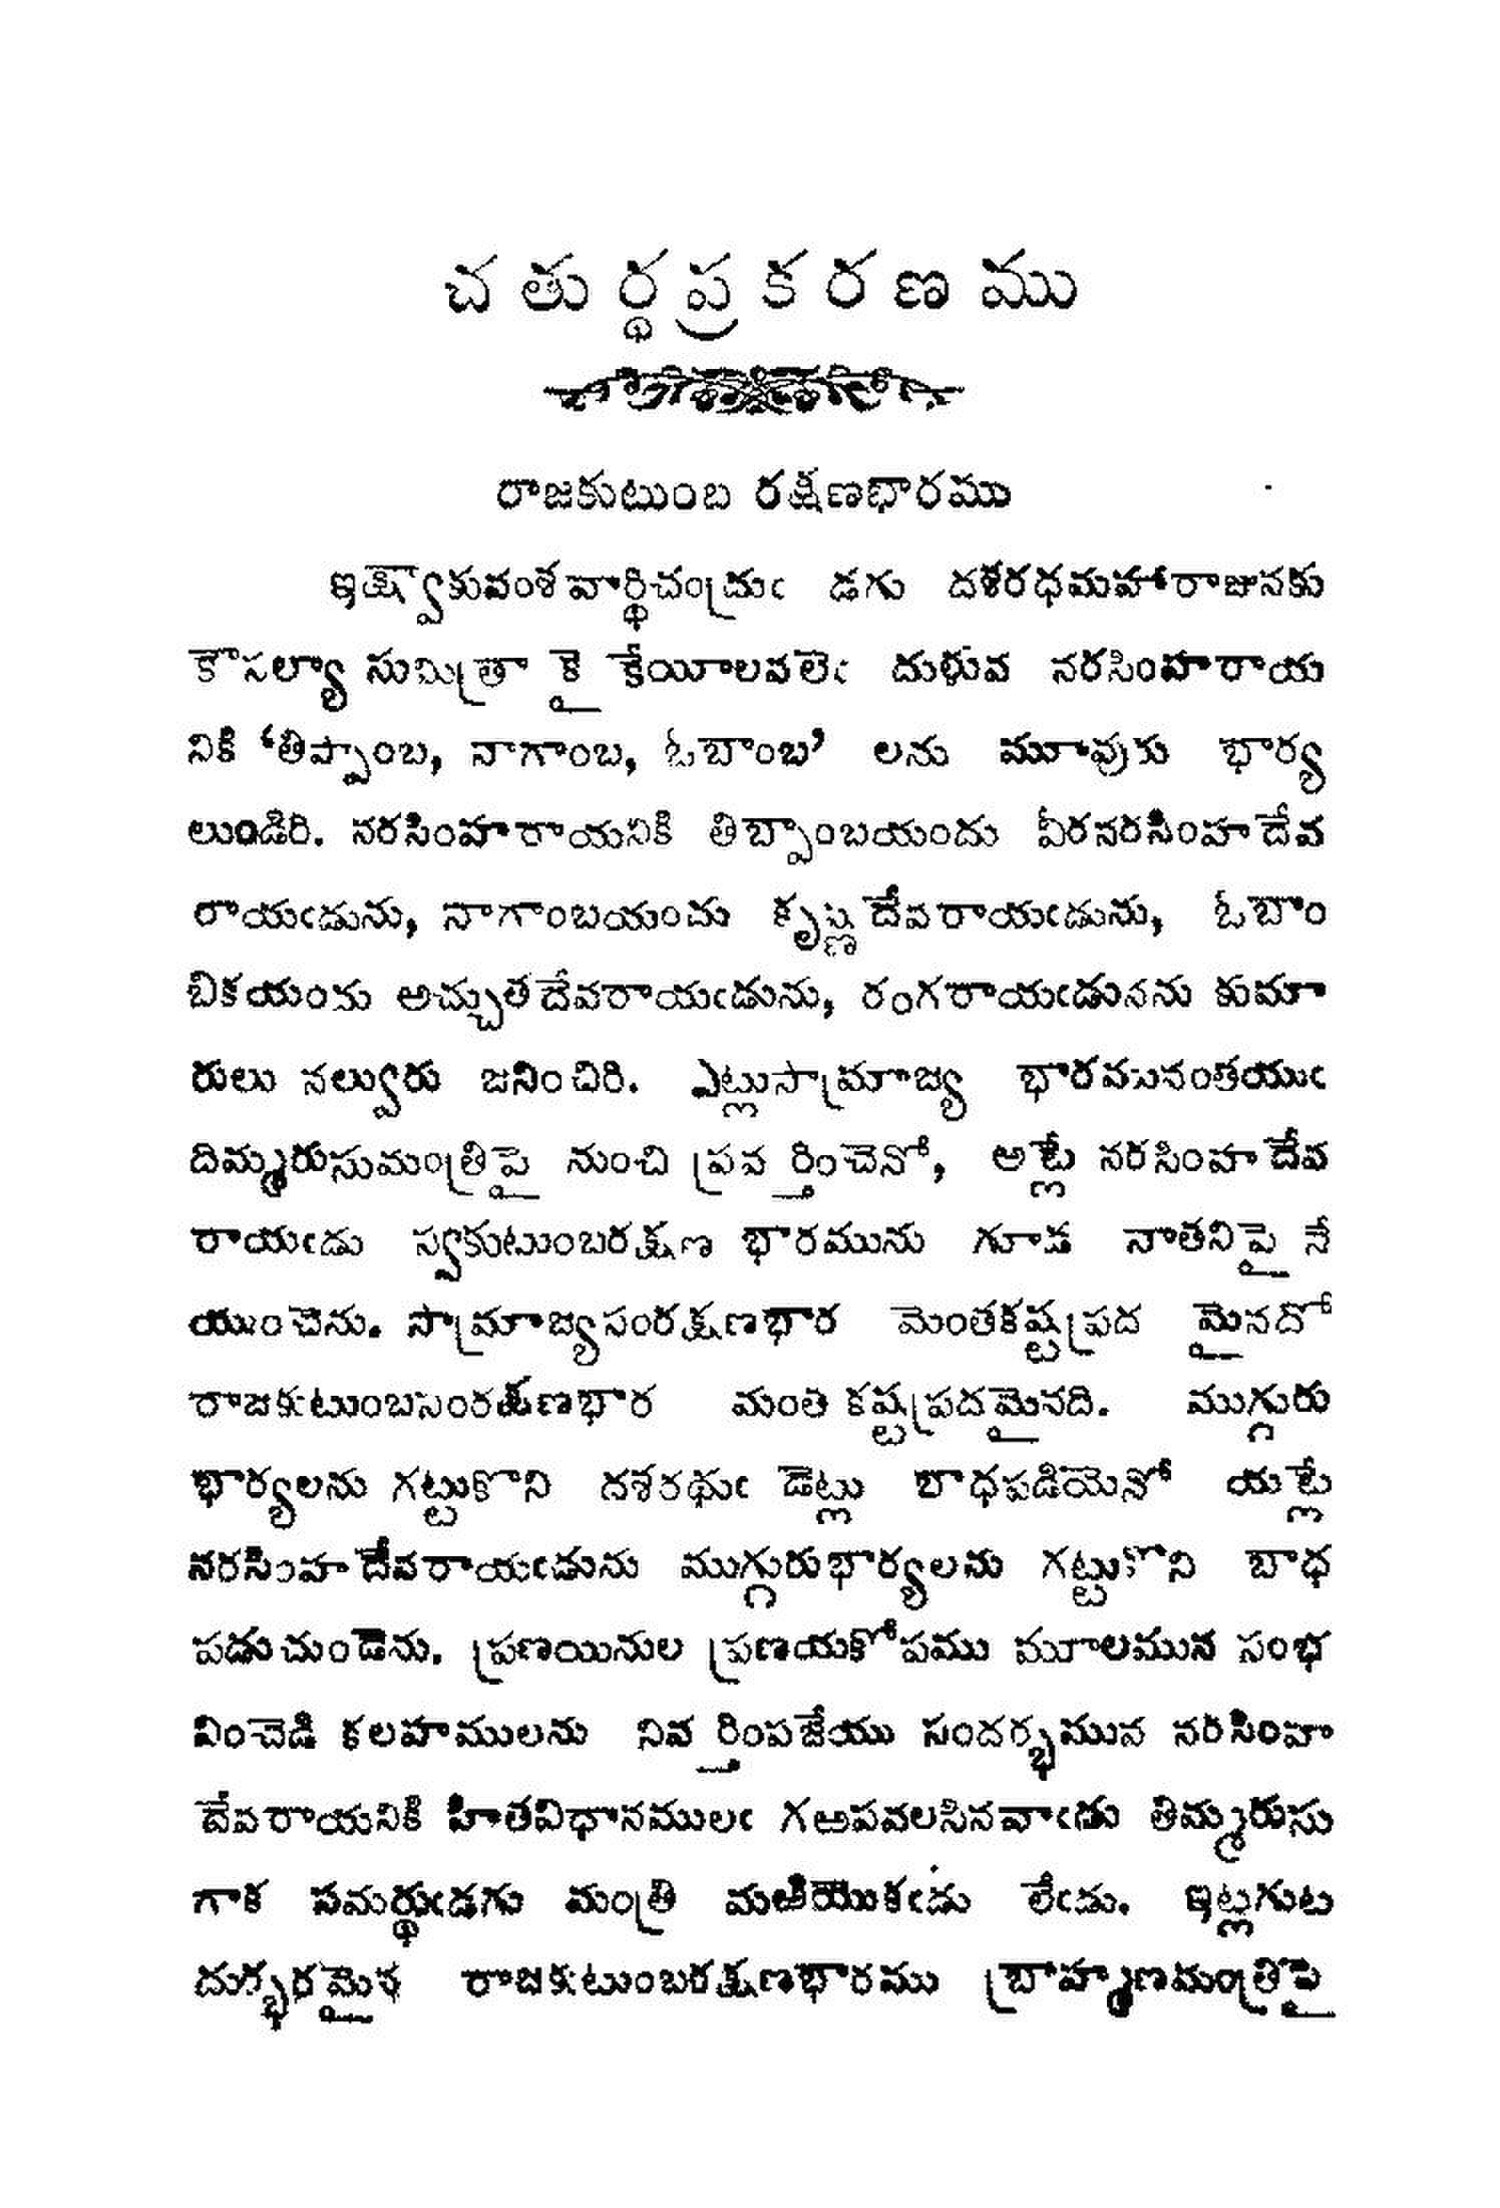చతుర్థప్రకరణము
రాజకుటుంబ రక్షణభారము 

ఇక్ష్వాకువంశవార్షిచంద్రుఁ డగు దశరధమహారాజునకు కౌసల్యా సుమిత్రా కైకేయీలవలెఁ దుళువ నరసింహరాయనికి 'తిప్పాంబ, నాగాంబ, ఓబాంబ' లను మూవురు భార్య లుండిరి. నరసింహరాయనికి తిప్పాంబయందు వీరనరసింహదేవరాయఁడును, నాగాంబయందు కృష్ణదేవరాయఁడును, ఓబాంబికయందు అచ్చుతదేవరాయఁడును, రంగరాయఁడునను కుమారులు నల్వురు జనించిరి. ఎట్లుసామ్రాజ్య భారమునంతయుఁ దిమ్మరుసుమంత్రిపై నుంచి ప్రవర్తించెనో, అట్లే నరసింహదేవరాయఁడు స్వకుటుంబరక్షణ భారమును గూడ నాతనిపై నే
యుంచెను. సామ్రాజ్యసంరక్షణభార మెంతకష్టప్రద మైనదో రాజకుటుంబసంరక్షణభార మంత కష్టప్రదమైనది. ముగ్గురు భార్యలను గట్టుకొని దశరథుఁ డెట్లు బాధపడియెనో యట్లే సరసింహదేవరాయఁడును ముగ్గురు భార్యలను గట్టుకొని బాధ పడుచుండెను. ప్రణయినుల ప్రణయకోపము మూలమున సంభవించెడి కలహములను నివర్తింపజేయు సందర్భమున నరసింహదేవరాయనికి హితవిధానములఁ గఱపవలసినవాఁడు తిమ్మరుసు గాక సమర్థుఁడగు మంత్రి మఱియొకఁడు లేఁడు. ఇట్లగుట దుర్భరమైన రాజకుటుంబరక్షణభారము బ్రాహ్మణమంత్రిపై